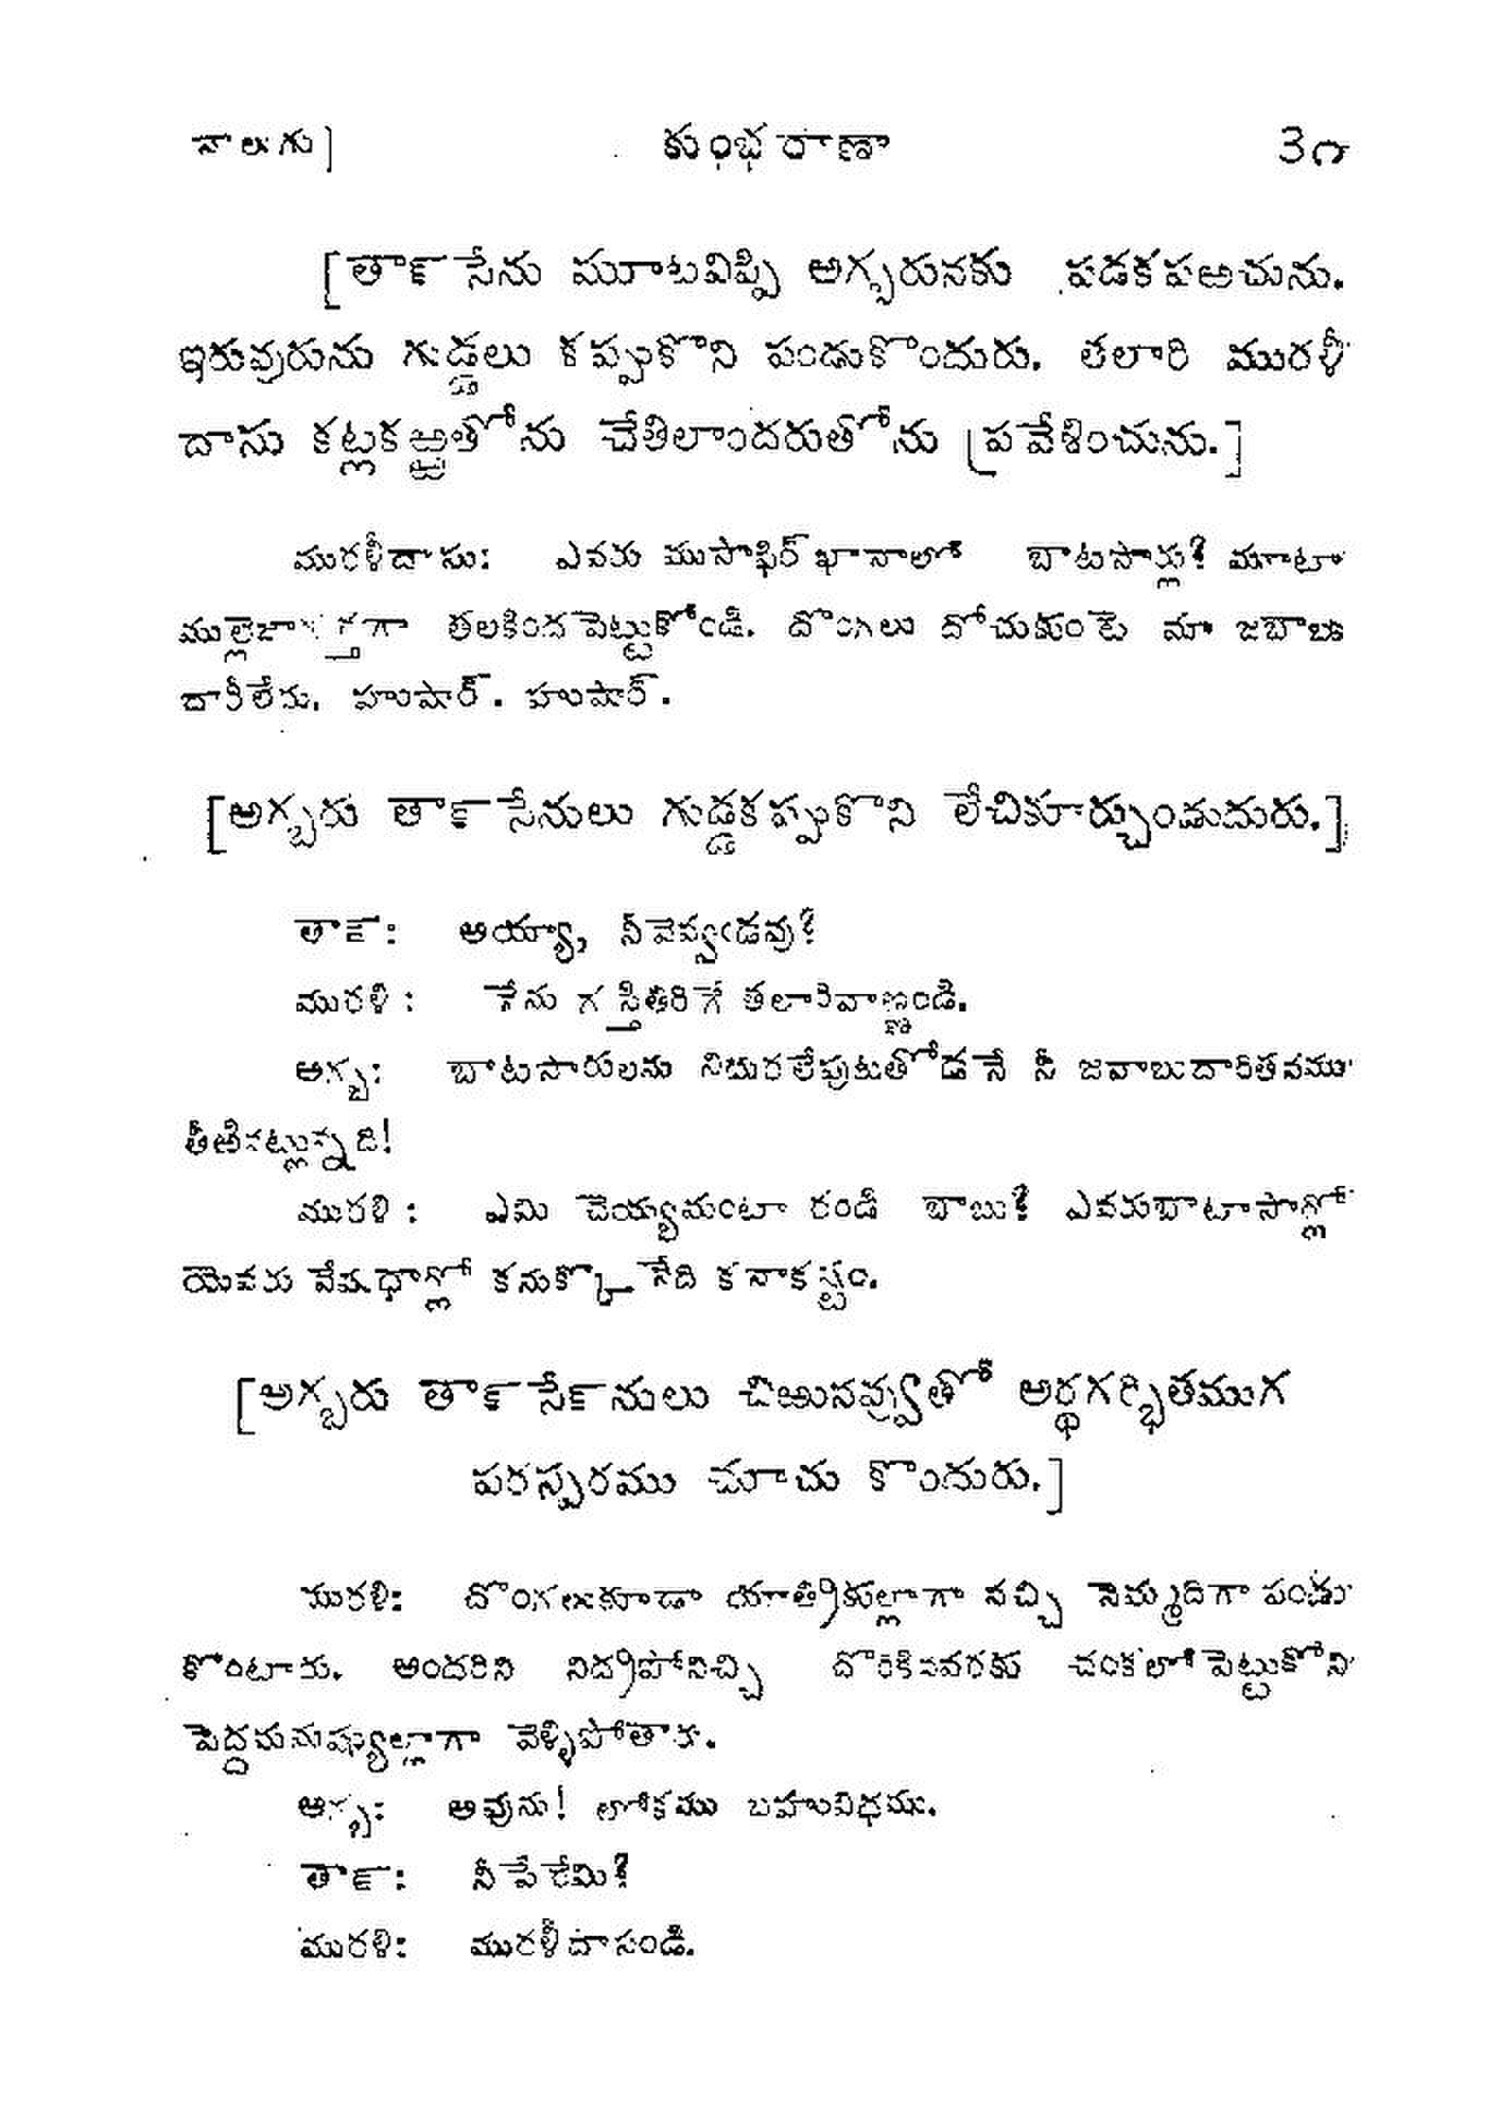మురళీదాసు : ఎవరు ముసాఫిర్‌ఖానాలో బాటసార్లు ? మూటా ముల్లెజాగర్తగా తలకిందపెట్టుకోండి. దొంగలు దోచుకుంటె మా జబాబుదారీలేదు. హుషార్. హుషార్,

తాన్ : అయ్యా, నీవెవ్వఁడవు ?

మురళి : నేను గస్తితిరిగే తలారివాణ్ణండి.

అగ్బ : బాటసారులను నిదురలేపుటతోడనే జవాబుదారితనము తీఱినట్లున్నది !

మురళి : ఏమి చెయ్యమంటా రండి బాబు ? ఎవరుబాటాసార్లో యెవరు వేషధార్లో కనుక్కొనేది కనాకష్టం.

మురళి : దొంగలుకూడా యాత్రికుల్లాగా వచ్చి నెమ్మదిగా పండుకొంటారు. అందరిని నిద్రపోనిచ్చి దొరికినవరకు చంకలోపెట్టుకొని పెద్దమనుష్యుల్లాగా వెళ్ళిపోతారు.

అగ్బ : అవును ! లోకము బహువిధము.

తాన్ : నీపేరేమి ?

మురళి : మురళీదాసండి.